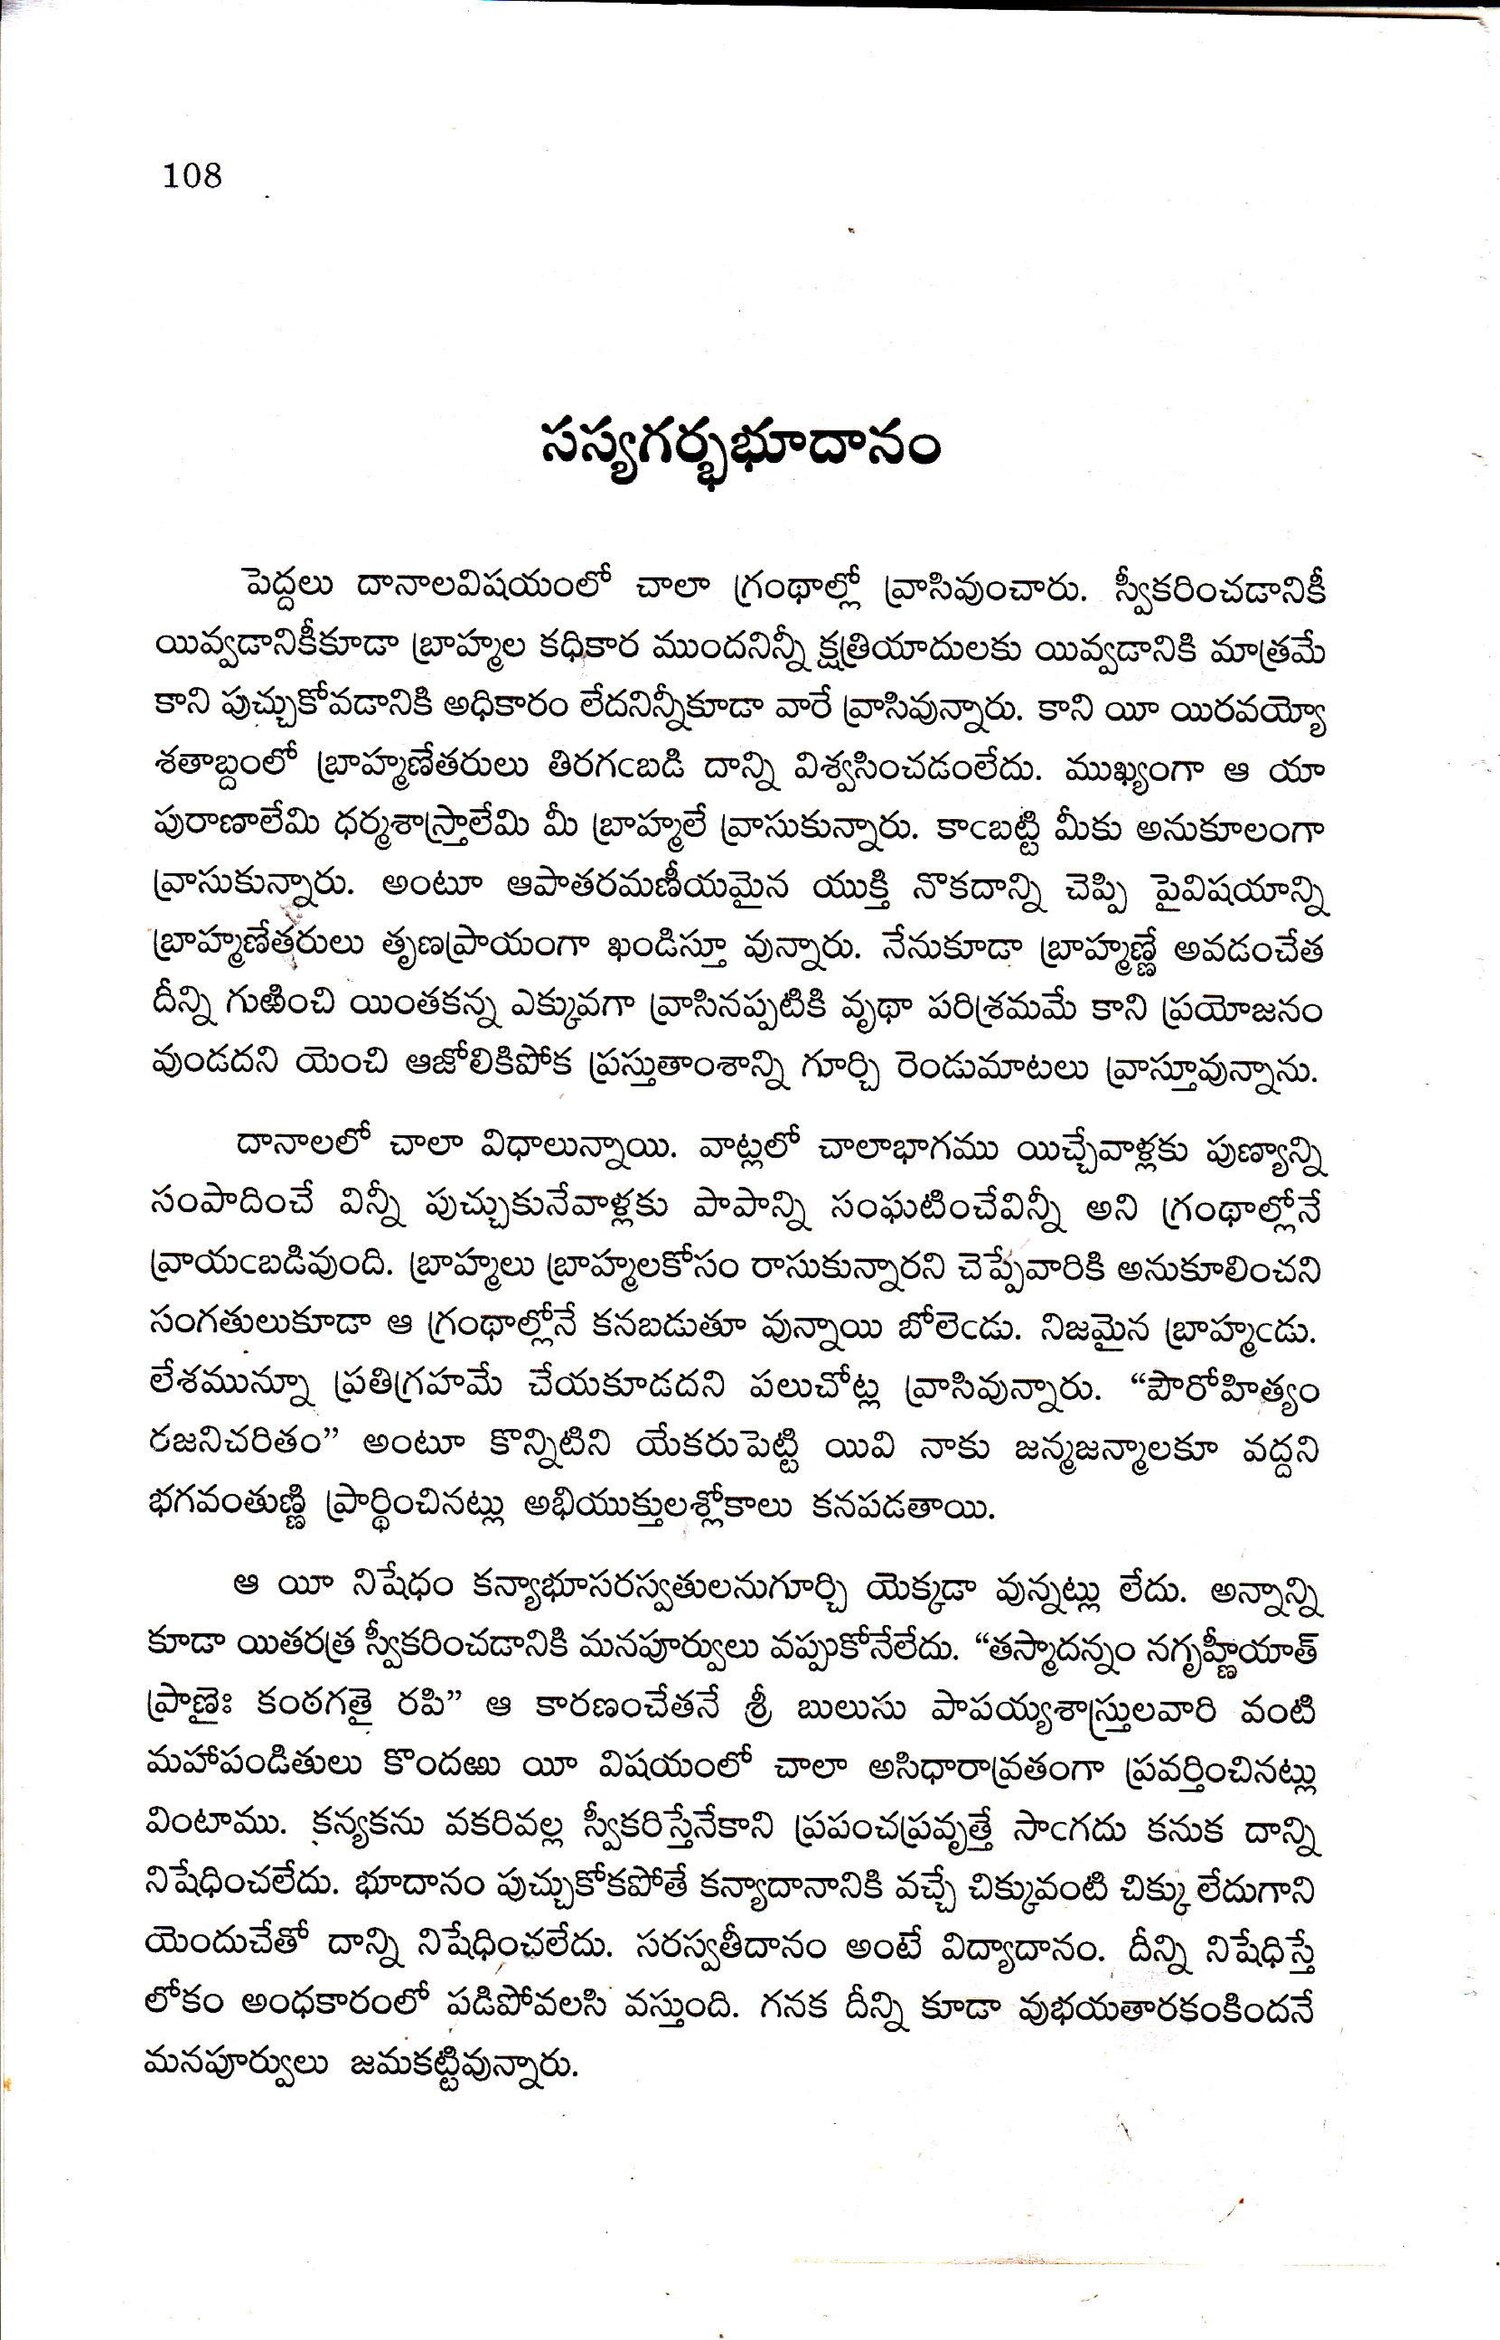పెద్దలు దానాలవిషయంలో చాలా గ్రంథాల్లో వ్రాసివుంచారు. స్వీకరించడానికీ యివ్వడానికీకూడా బ్రాహ్మల కధికార ముందనిన్నీ క్షత్రియాదులకు యివ్వడానికి మాత్రమే కాని పుచ్చుకోవడానికి అధికారం లేదనిన్నీకూడా వారే వ్రాసివున్నారు. కాని యీ యిరవయ్యో శతాబ్దంలో బ్రాహ్మణేతరులు తిరగంబడి దాన్ని విశ్వసించడంలేదు. ముఖ్యంగా ఆ యా పురాణాలేమి ధర్మశాస్తాలేమి మీ బ్రాహ్మలే వ్రాసుకున్నారు. కాCబట్టి మీకు అనుకూలంగా వ్రాసుకున్నారు. అంటూ ఆపాతరమణీయమైన యుక్తి నొకదాన్ని చెప్పి పైవిషయాన్ని బ్రాహ్మణేతరులు తృణప్రాయంగా ఖండిస్తూ వున్నారు. నేనుకూడా బ్రాహ్మణ్ణి అవడంచేత దీన్ని గుఱించి యింతకన్న ఎక్కువగా వ్రాసినప్పటికి వృథా పరిశ్రమమే కాని ప్రయోజనం వుండదని యెంచి ఆజోలికిపోక ప్రస్తుతాంశాన్ని గూర్చి రెండుమాటలు వ్రాస్తూవున్నాను.

దానాలలో చాలా విధాలున్నాయి. వాట్లలో చాలాభాగము యిచ్చేవాళ్లకు పుణ్యాన్ని సంపాదించే విన్నీ పుచ్చుకునేవాళ్లకు పాపాన్ని సంఘటించేవిన్నీ అని గ్రంథాల్లోనే వ్రాయంబడివుంది. బ్రాహ్మలు బ్రాహ్మలకోసం రాసుకున్నారని చెప్పేవారికి అనుకూలించని సంగతులుకూడా ఆ గ్రంథాల్లోనే కనబడుతూ వున్నాయి బోలెండు. నిజమైన బ్రాహ్మండు. లేశమున్నూ ప్రతిగ్రహమే చేయకూడదని పలుచోట్ల వ్రాసివున్నారు. "పౌరోహిత్యం రజనిచరితం" అంటూ కొన్నిటిని యేకరు పెట్టి యివి నాకు జన్మజన్మాలకూ వద్దని భగవంతుణ్ణి ప్రార్ధించినట్లు అభియుక్తుల శ్లోకాలు కనపడతాయి.

ఆ యీ నిషేధం కన్యాభూసరస్వతులనుగూర్చి యొక్కడా వున్నట్లు లేదు. అన్నాన్ని కూడా యితరత్ర స్వీకరించడానికి మనపూర్వులు వప్పుకోనేలేదు. “తస్మాదన్నం నగృహీయాత్ ప్రాజైః కంఠగతై రపి" ఆ కారణంచేతనే శ్రీ బులుసు పాపయ్యశాస్రులవారి వంటి మహాపండితులు కొందఱు యీ విషయంలో చాలా అసిధారావ్రతంగా ప్రవర్తించినట్లు వింటాము. కన్యకను వకరివల్ల స్వీకరిస్తేనేకాని ప్రపంచప్రవృత్తే సాంగదు కనుక దాన్ని నిషేధించలేదు. భూదానం పుచ్చుకోకపోతే కన్యాదానానికి వచ్చే చిక్కువంటి చిక్కులేదుగాని యెందుచేతో దాన్ని నిషేధించలేదు. సరస్వతీదానం అంటే విద్యాదానం. దీన్ని నిషేధిస్తే లోకం అంధకారంలో పడిపోవలసి వస్తుంది. గనక దీన్ని కూడా వుభయతారకంకిందనే మనపూర్వులు జమకట్టివున్నారు.